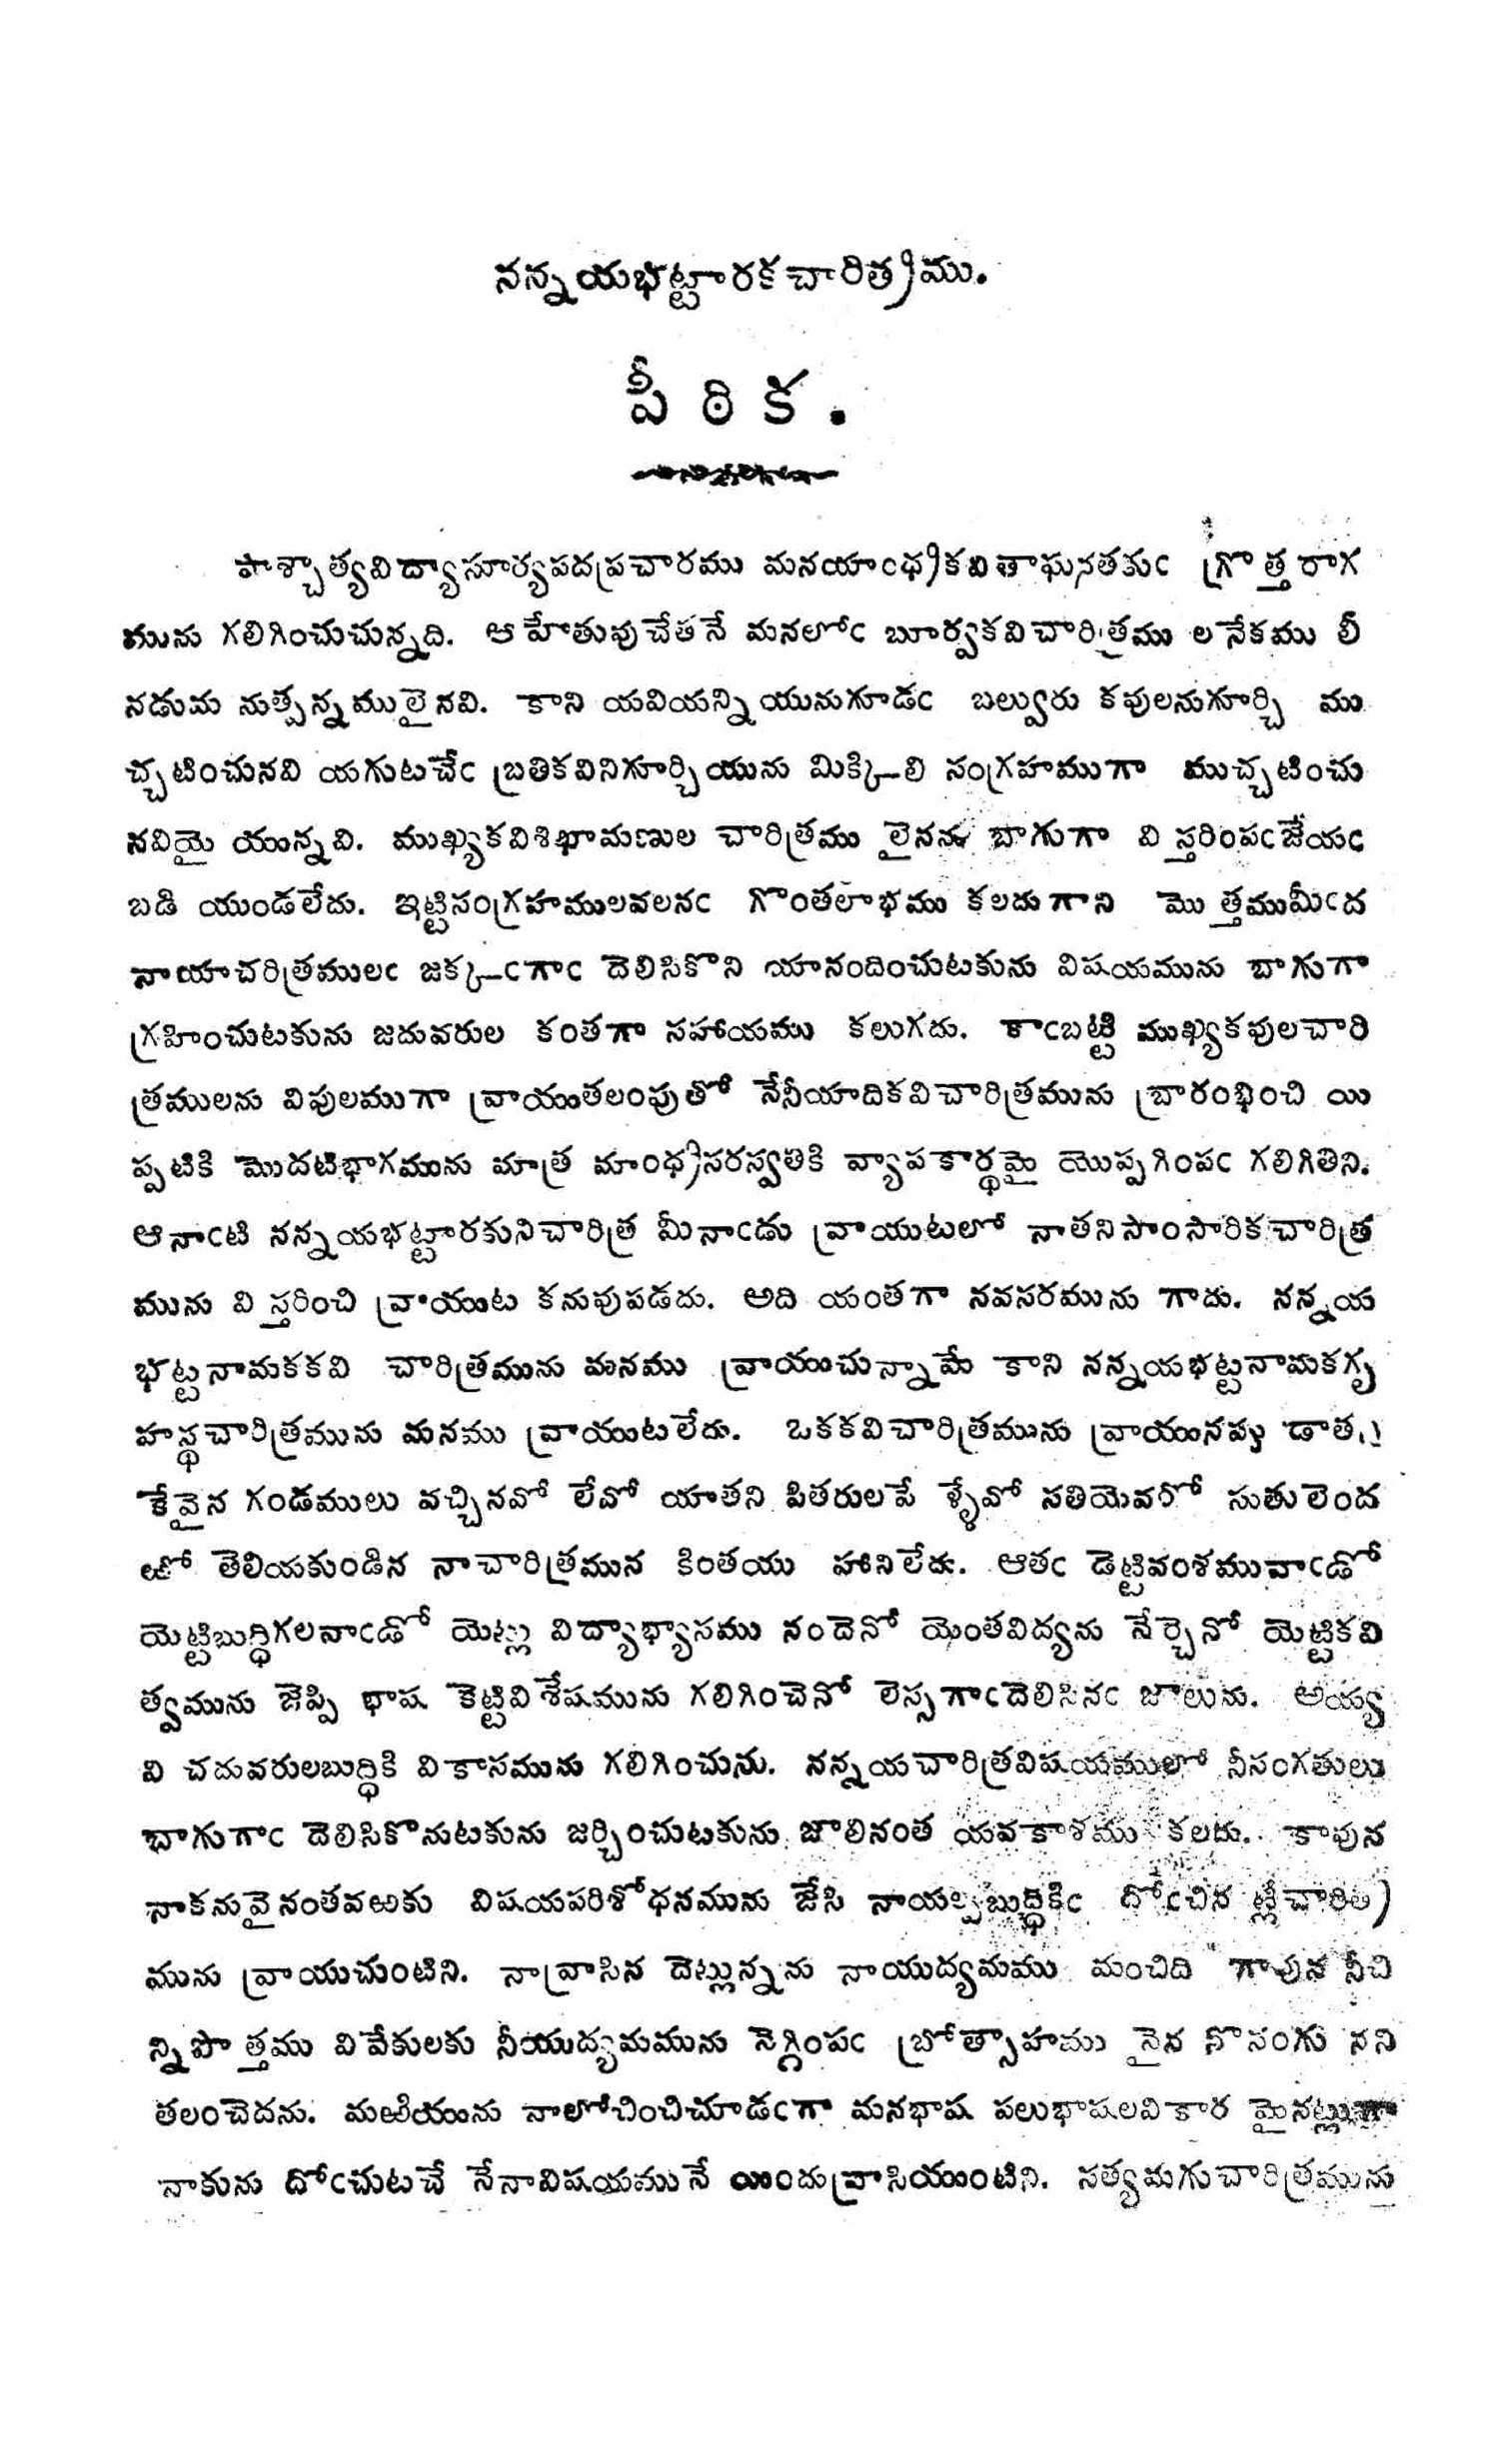పీఠిక.

పాశ్చాత్య విద్యా సూర్య పదప్రచారము మనయాంధ్రకవితాఘనతకుఁ గ్రొత్తరాగమును గలిగించుచున్నది. ఆ హేతువుచేతనే మనలోఁ బూర్పకవిచారిత్రము లనేకము లీ నడుమ నుత్పన్నములైనవి. కాని యవియన్నియునుగూడఁ బల్వురు కవులనుగూర్చి ముచ్చటించునవి యగుటచేఁ బ్రతికవినిగూర్చియును మిక్కిలి సంగ్రహముగా ముచ్చటించునవియై యున్నవి. ముఖ్యకవిశిఖామణుల చారిత్రము లైనను బాగుగా విస్తరింపఁజేయఁబడి యుండలేదు. ఇట్టిసంగ్రహములవలనఁ గొంతలాభము కలదుగాని మొత్తముమీఁద నాయాచరిత్రములఁ జక్కఁగాఁ దెలిసికొని యానందించుటకును విషయమును బాగుగా గ్రహించుటకును జదువరుల కంతగా సహాయము కలుగదు. కాఁబట్టి ముఖ్యకవులచారిత్రములను విపులముగా వ్రాయుంతలంపుతో నేనీయాదికవిచారిత్రమును బ్రారంభించి యిప్పటికి మొదటిభాగమును మాత్ర మాంధ్రసరస్వతికి వ్యాపకార్థమై యొప్ప గింపఁ గలిగితిని. ఆ నాఁటి నన్నయభట్టారకునిచారిత్ర మీనాఁడు వ్రాయుటలో నాతనిసాంసారికచారిత్రమును విస్తరించి వ్రాయుట కనువుపడదు. అది యంతగా నవసరమును గాదు. నన్నయ భట్టనామకకవి చారిత్రమును మనము వ్రాయుచున్నామే కాని నన్నయ భట్టనామకగృహస్థ చారిత్రమును మనము వ్రాయుటలేదు. ఒకకవిచారిత్రమును వ్రాయునప్పు డాతని కేవైన గండములు వచ్చినవో లేవో యాతని పితరులపే ళ్ళేవో సతియెవరో సుతులెందఱో తెలియకుండిన నాచారిత్రమున కింతయు హానిలేదు. ఆతఁ డెట్టివంశమువాఁడో యెట్టిబుద్ధిగలవాఁడో యెట్లు విద్యాభ్యాసము నందెనో యెంతవిద్యను నేర్చెనో యెట్టికవిత్వమును జెప్పి భాష కెట్టివిశేషమును గలిగించెనో లెస్సగాఁదెలిసినఁ జాలును. అయ్యవి చదువరులబుద్ధికి వికాసమును గలిగించును. నన్నయచారిత్రవిషయములో నీసంగతులు బాగుగాఁ దెలిసికొనుటకును జర్చించుటకును జాలినంత యవకాశము కలదు. . కావున నాకనువైనంతవఱకు విషయపరిశోధనమును జేసి నాయల్పబుద్ధికిఁ దోఁచిన ట్లీచారిత్రమును వ్రాయుచుంటిని. నావ్రాసిన దెట్లున్నను నా యుద్యమము మంచిది గావున నీచిన్నిపొత్తము వివేకులకు నీయుద్యమమును నెగ్గింపఁ బ్రోత్సాహము నైన నొసంగు నని తలంచెదను. మఱియును నాలోచించిచూడఁగా మనభాష పలుభాషలవికార మైనట్లుగా నాకును దోఁచుటచే నేనావిషయమునే యిందువ్రాసియుంటిని. సత్యమగుచారిత్రమును